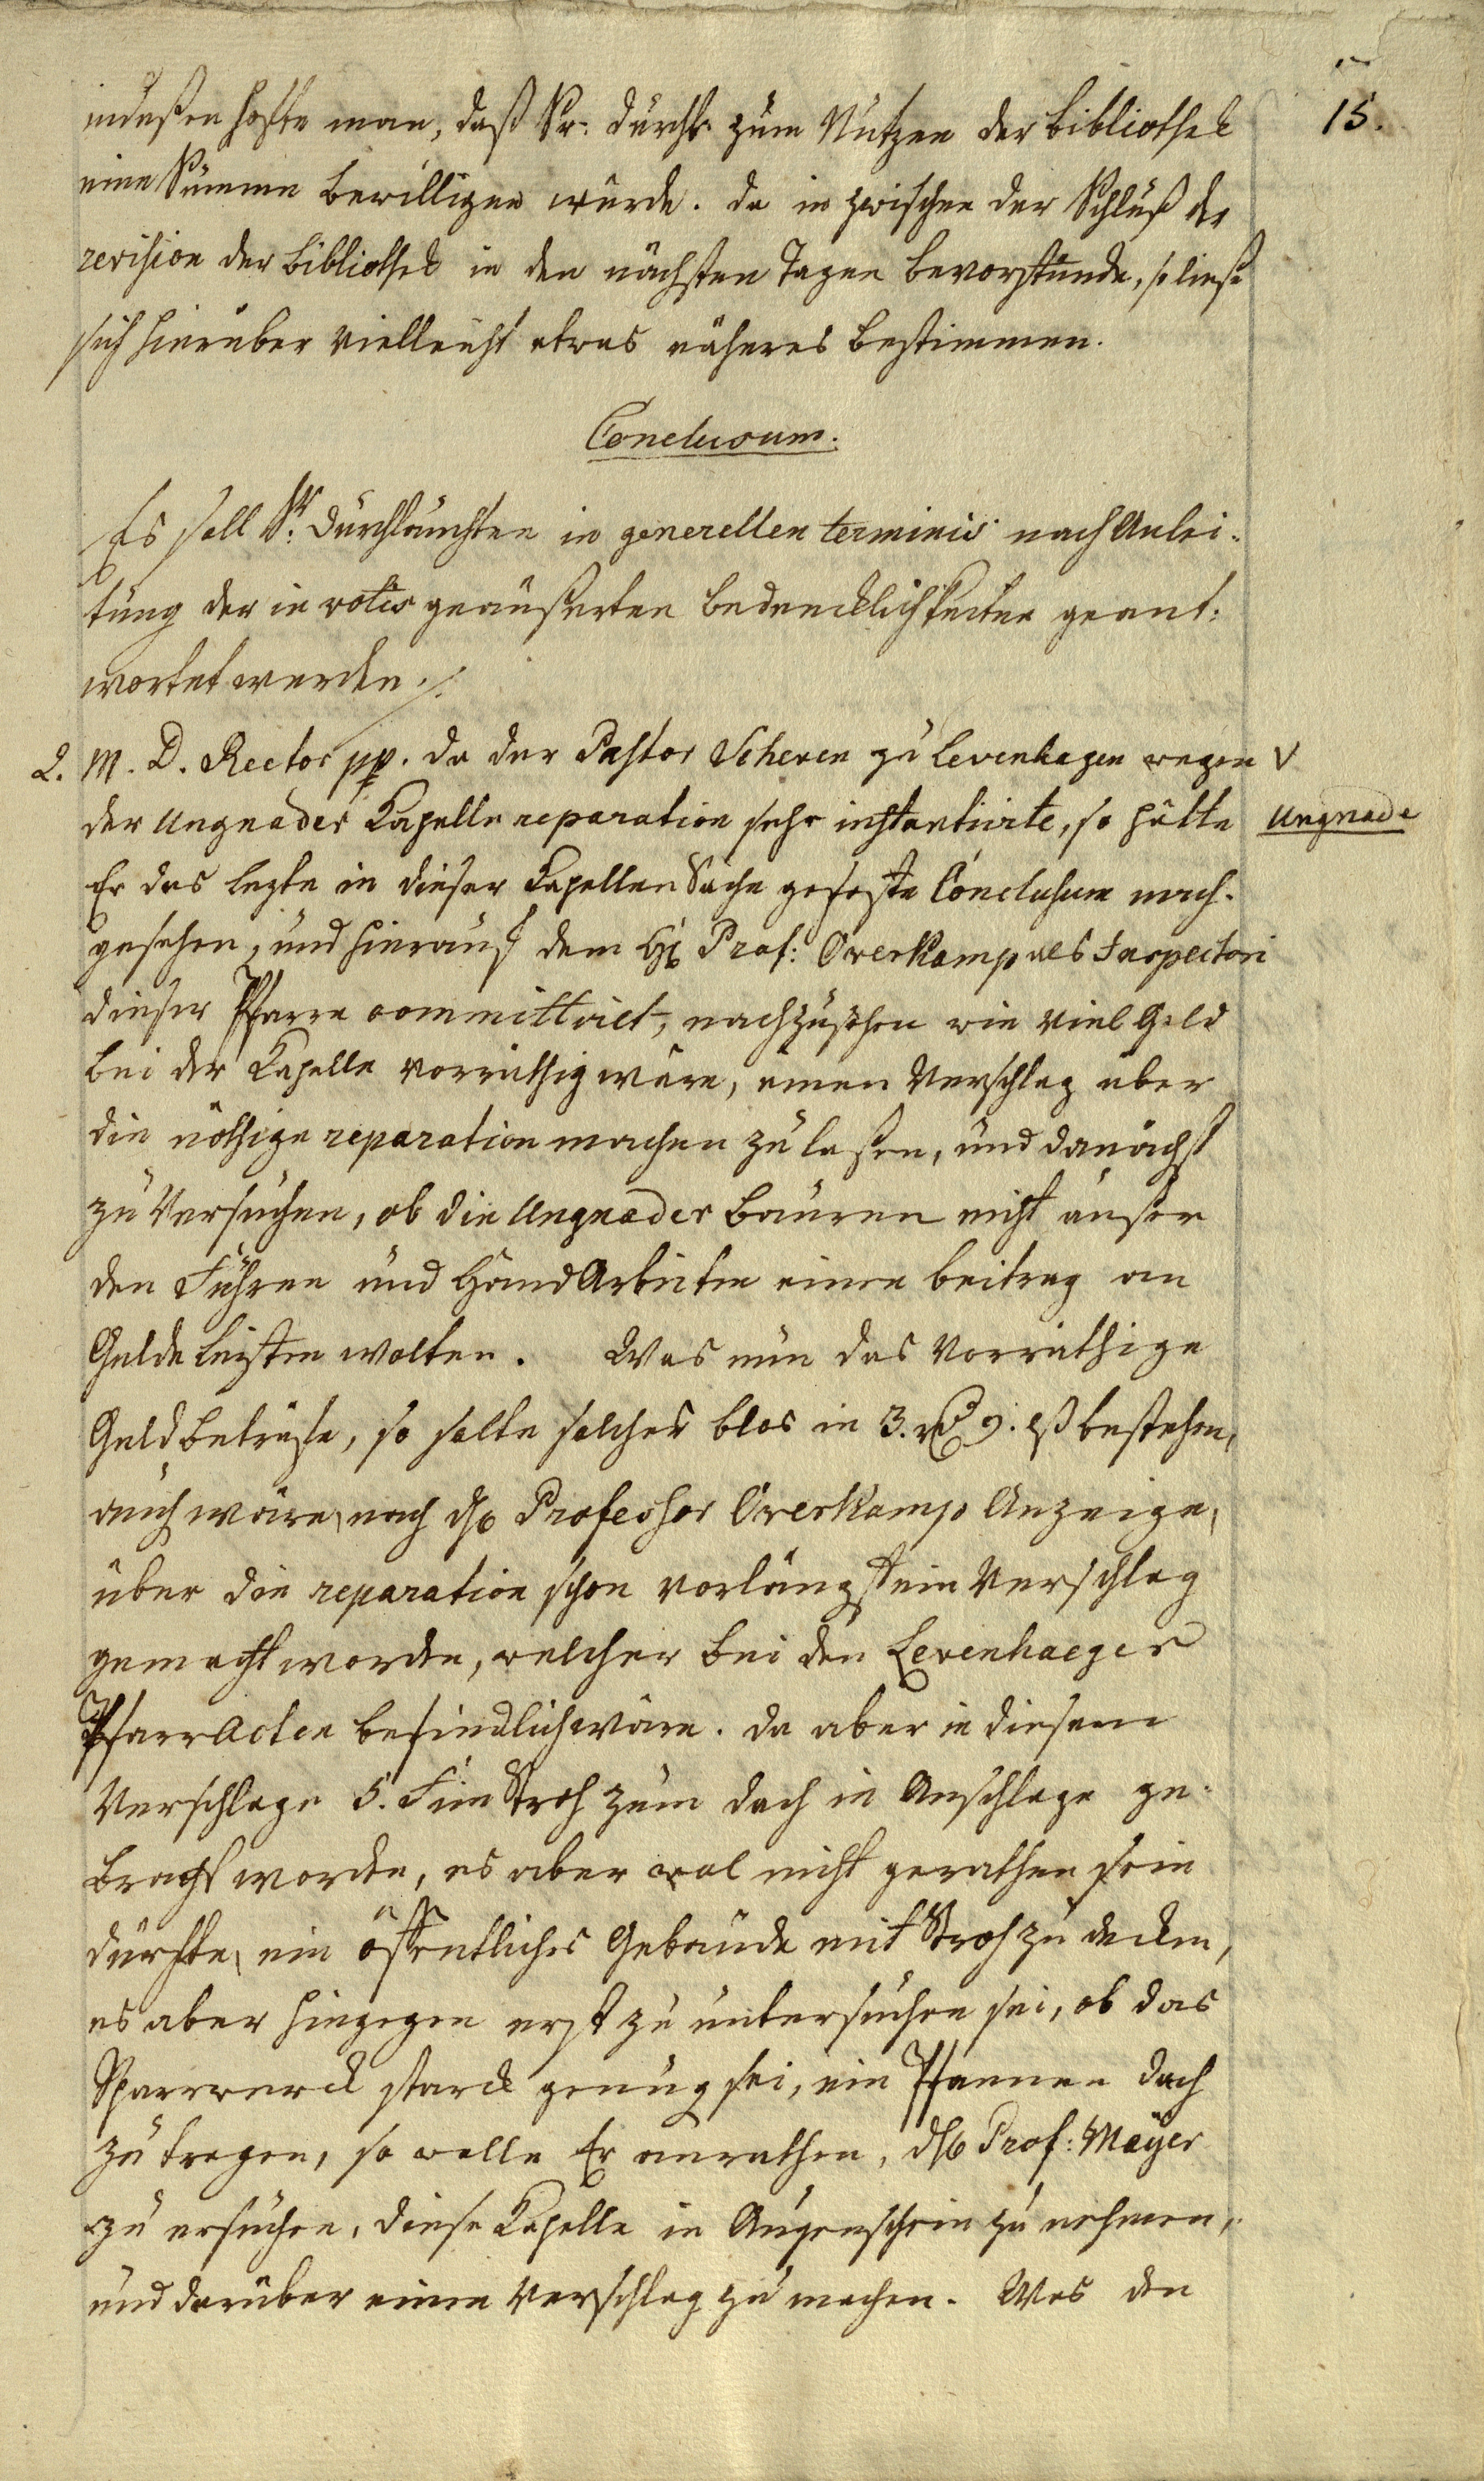indeßen hoffe man, daß Sr. Durchl. zum Nutzen der Bibliothek
eine Summe bewilligen würde. da in zwischen der Schluß der
revision der Bibliothek in den nächsten Tagen bevorstünde, so ließe
sich hierüber vielleicht etwas näheres bestimmen.
Conclusum
Es soll Sr Durchlauchten in generellen terminis nach Anlei¬
tung der in votis geäußerten Bedencklichkeiten geant¬
wortet werden.
2. M. D. Rector pp. da der Pastor Scheven zu Levenhagen wegen
der Ungnader Kapelle reparation sehr instantiirte, so hätte Ungnade
Er das lezte in dieser Kapellen Sache gefaste Conclusum nach¬
gesehen, und hierauf dem H Prof. Overkamp als Inspectori
dieser Pfarre commitiret, nachzusehen wie viel Geld
bei der Kapelle vorräthig wäre, einen Vorschlag über
die nöthige reparation machen zu laßen, und danächst
zu versuchen, ob die Ungnader Bauren nicht außer
den Fuhren und Handarbeiten einen Beitrag an
Gelde leisten wolten. Was nun das vorräthige
Geld beträfe, so solte solches blos in 3. r 9. s bestehen,
auch wäre nach dh Professor Overkamp Anzeige,
über die reparation schon vorlängst ein Vorschlag
gemacht worden, welcher bei den Levenhaeger
Pfarracten befindlich wäre. da aber in diesem
Verschlage 5. Fim Stroh zum Dach in Anschlage ge¬
bracht worden, es aber wol nicht gerathen sein
dürfte, ein öfentliches Gebäude mit Stroh zu decken,
es aber hingegen erst zu untersuchen sei, ob das
Sparrwerck starck genug sei, ein Pfannen Dach
zu tragen, so wolle Er anrathen, dh Prof. Maÿer
zu ersuchen, diese Kapelle in Augenschein zu nehmen,
und darüber einen Vorschlag zu machen. Was den